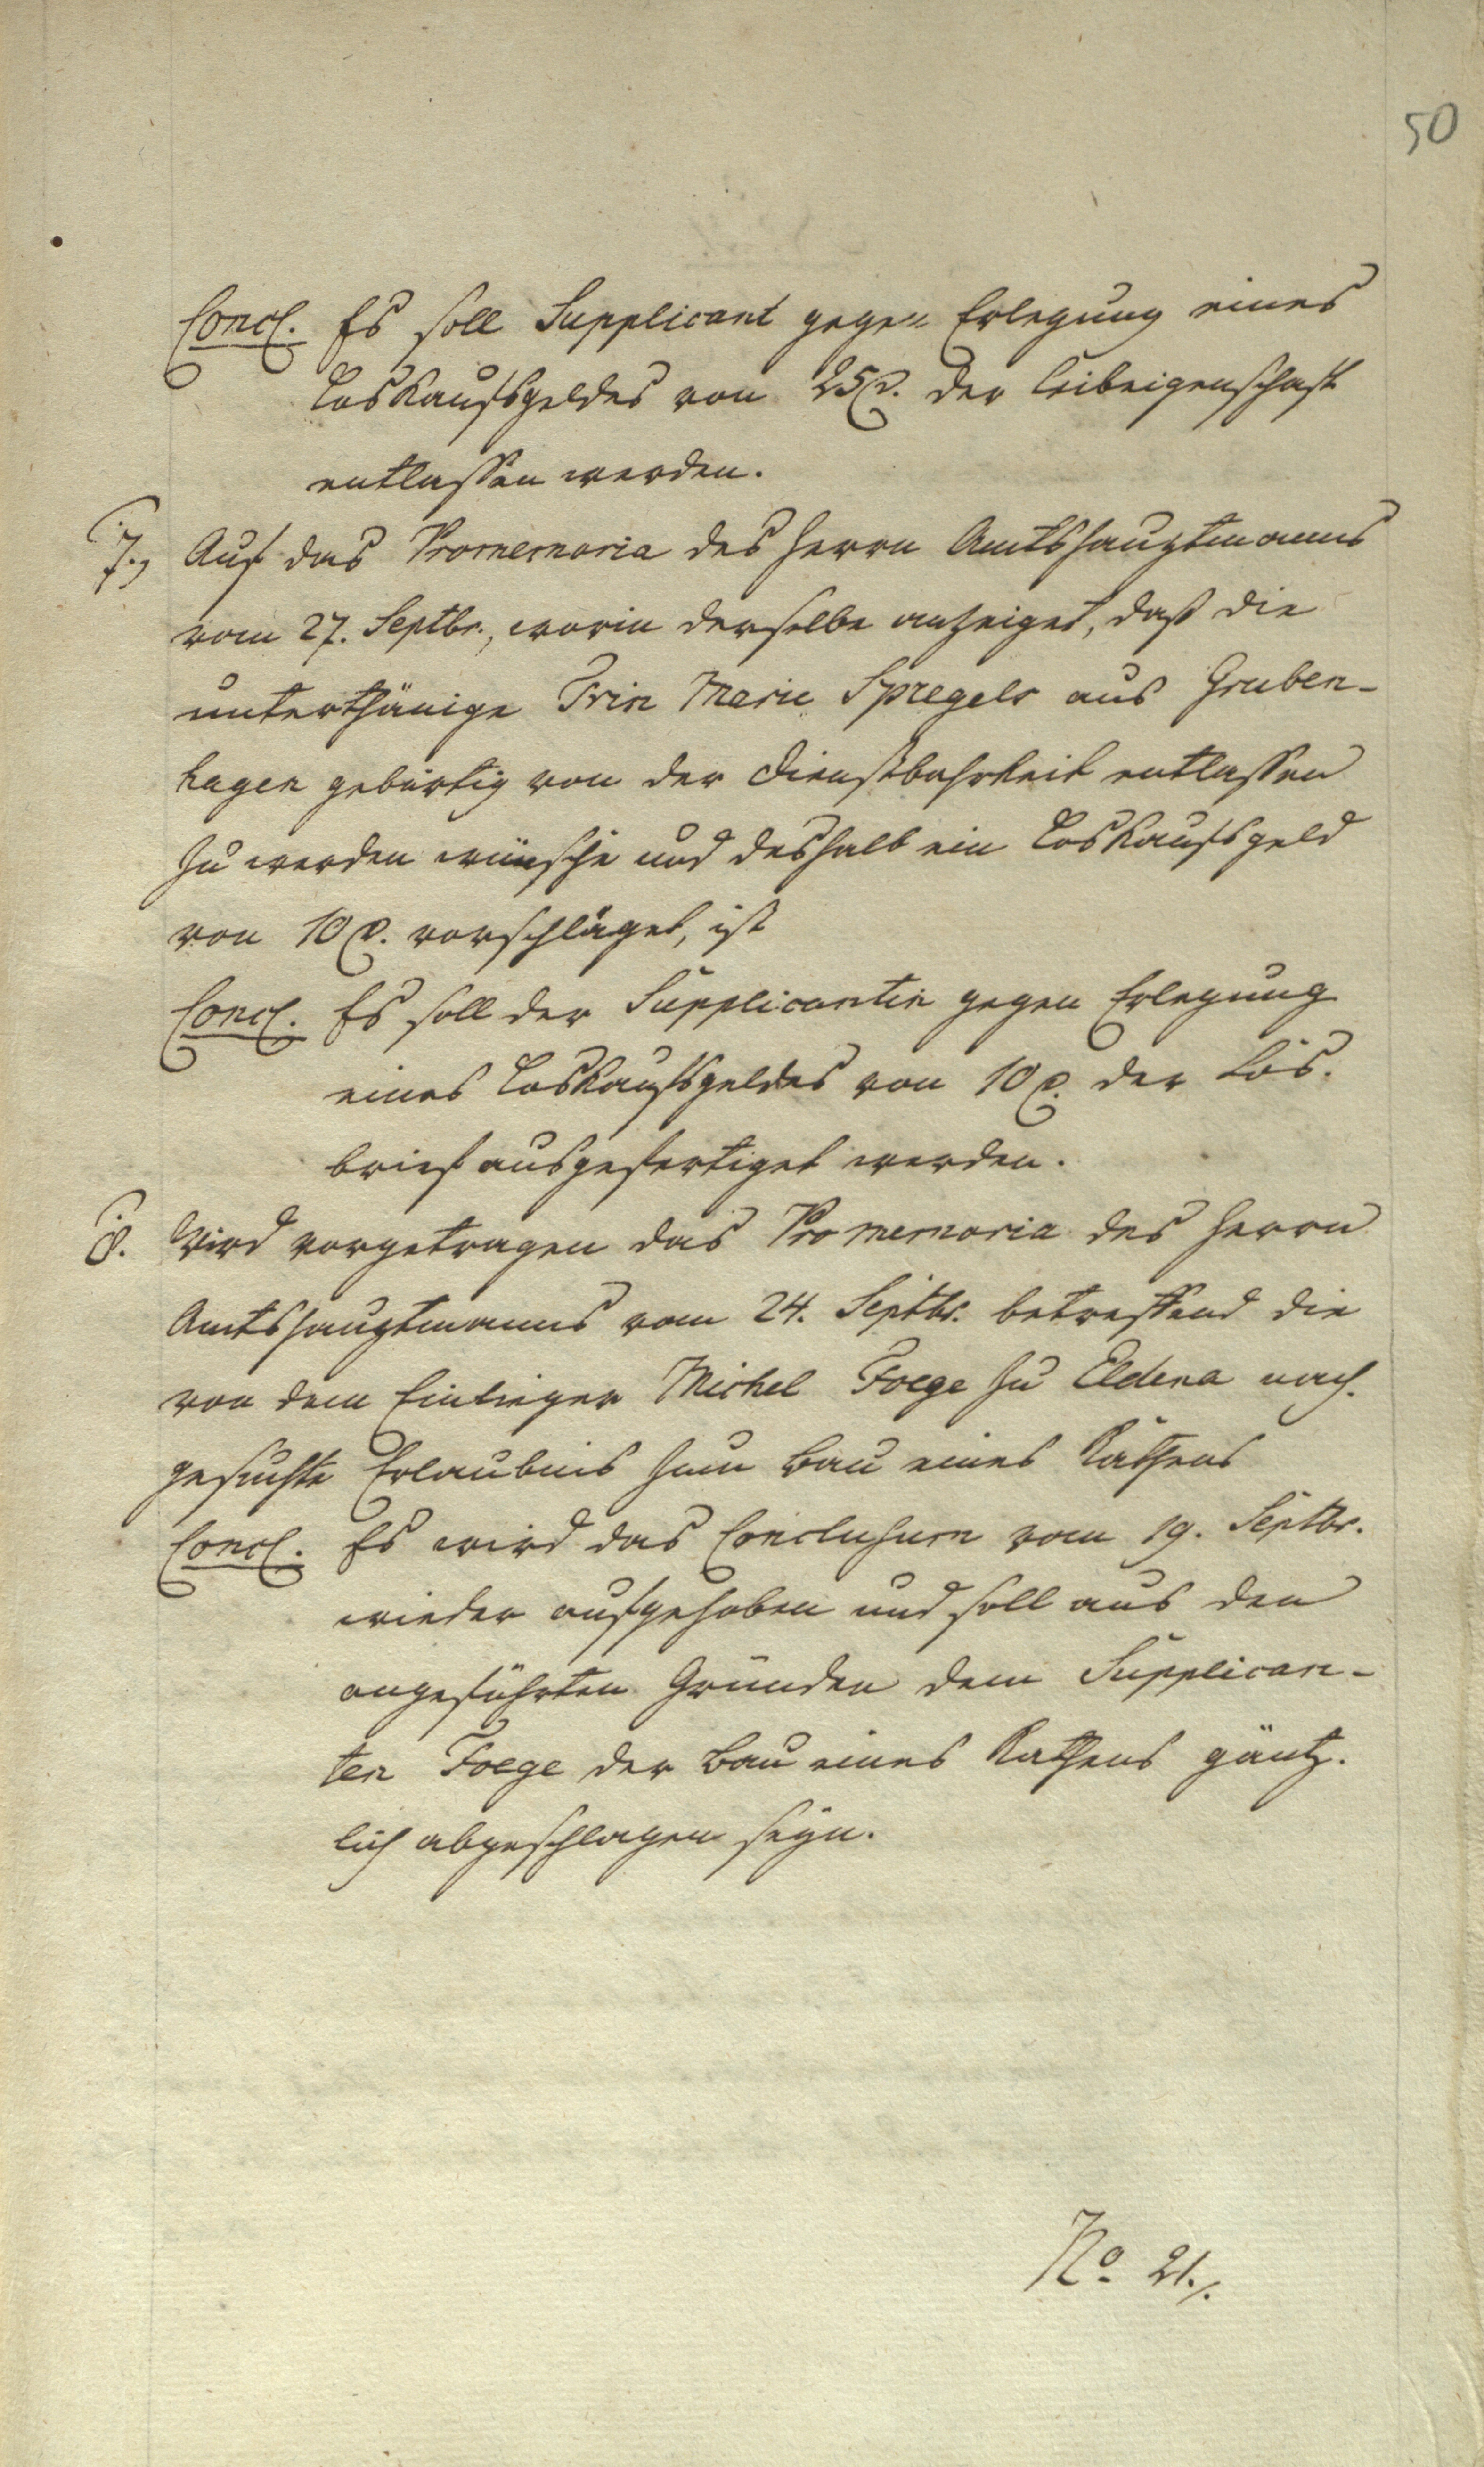Concl. Es soll Supplicant gegen Erlegung eines
Loskaufsgeldes von 25 l. der Leibeigenschaft
entlassen werden.
7., Auf das Promemoria des Herrn Amtshauptmanns
vom 27. Septbr., worin derselbe anzeiget, daß die
unterthänige Trin Marie Spregels aus Gruben¬
hagen gebürtig von der Dienstbahrkeit entlassen
zu werden wünsche und deshalb ein Loskaufsgeld
von 10 rl. vorschläget, ist
Concl. Es soll der Supplicanten gegen Erlegung
eines Loskaufsgeldes von 10 l. der Los¬
brief ausgefertiget werden.
8. Wird vorgetragen das Promemoria des Herrn
Amtshauptmanns vom 24. Septbr betreffend die
von dem Einlieger Michel Foege zu Eldena nach¬
gesuchte Erlaubnis zum Bau eines Kathens
Concl. Es wird das Conclusum vom 19. Septbr.
wieder aufgehoben und soll aus den
angeführten Gründen dem Supplican¬
ten Foege der Bau eines Kathens gäntz¬
lich abgeschlagen seÿn.
No 21.